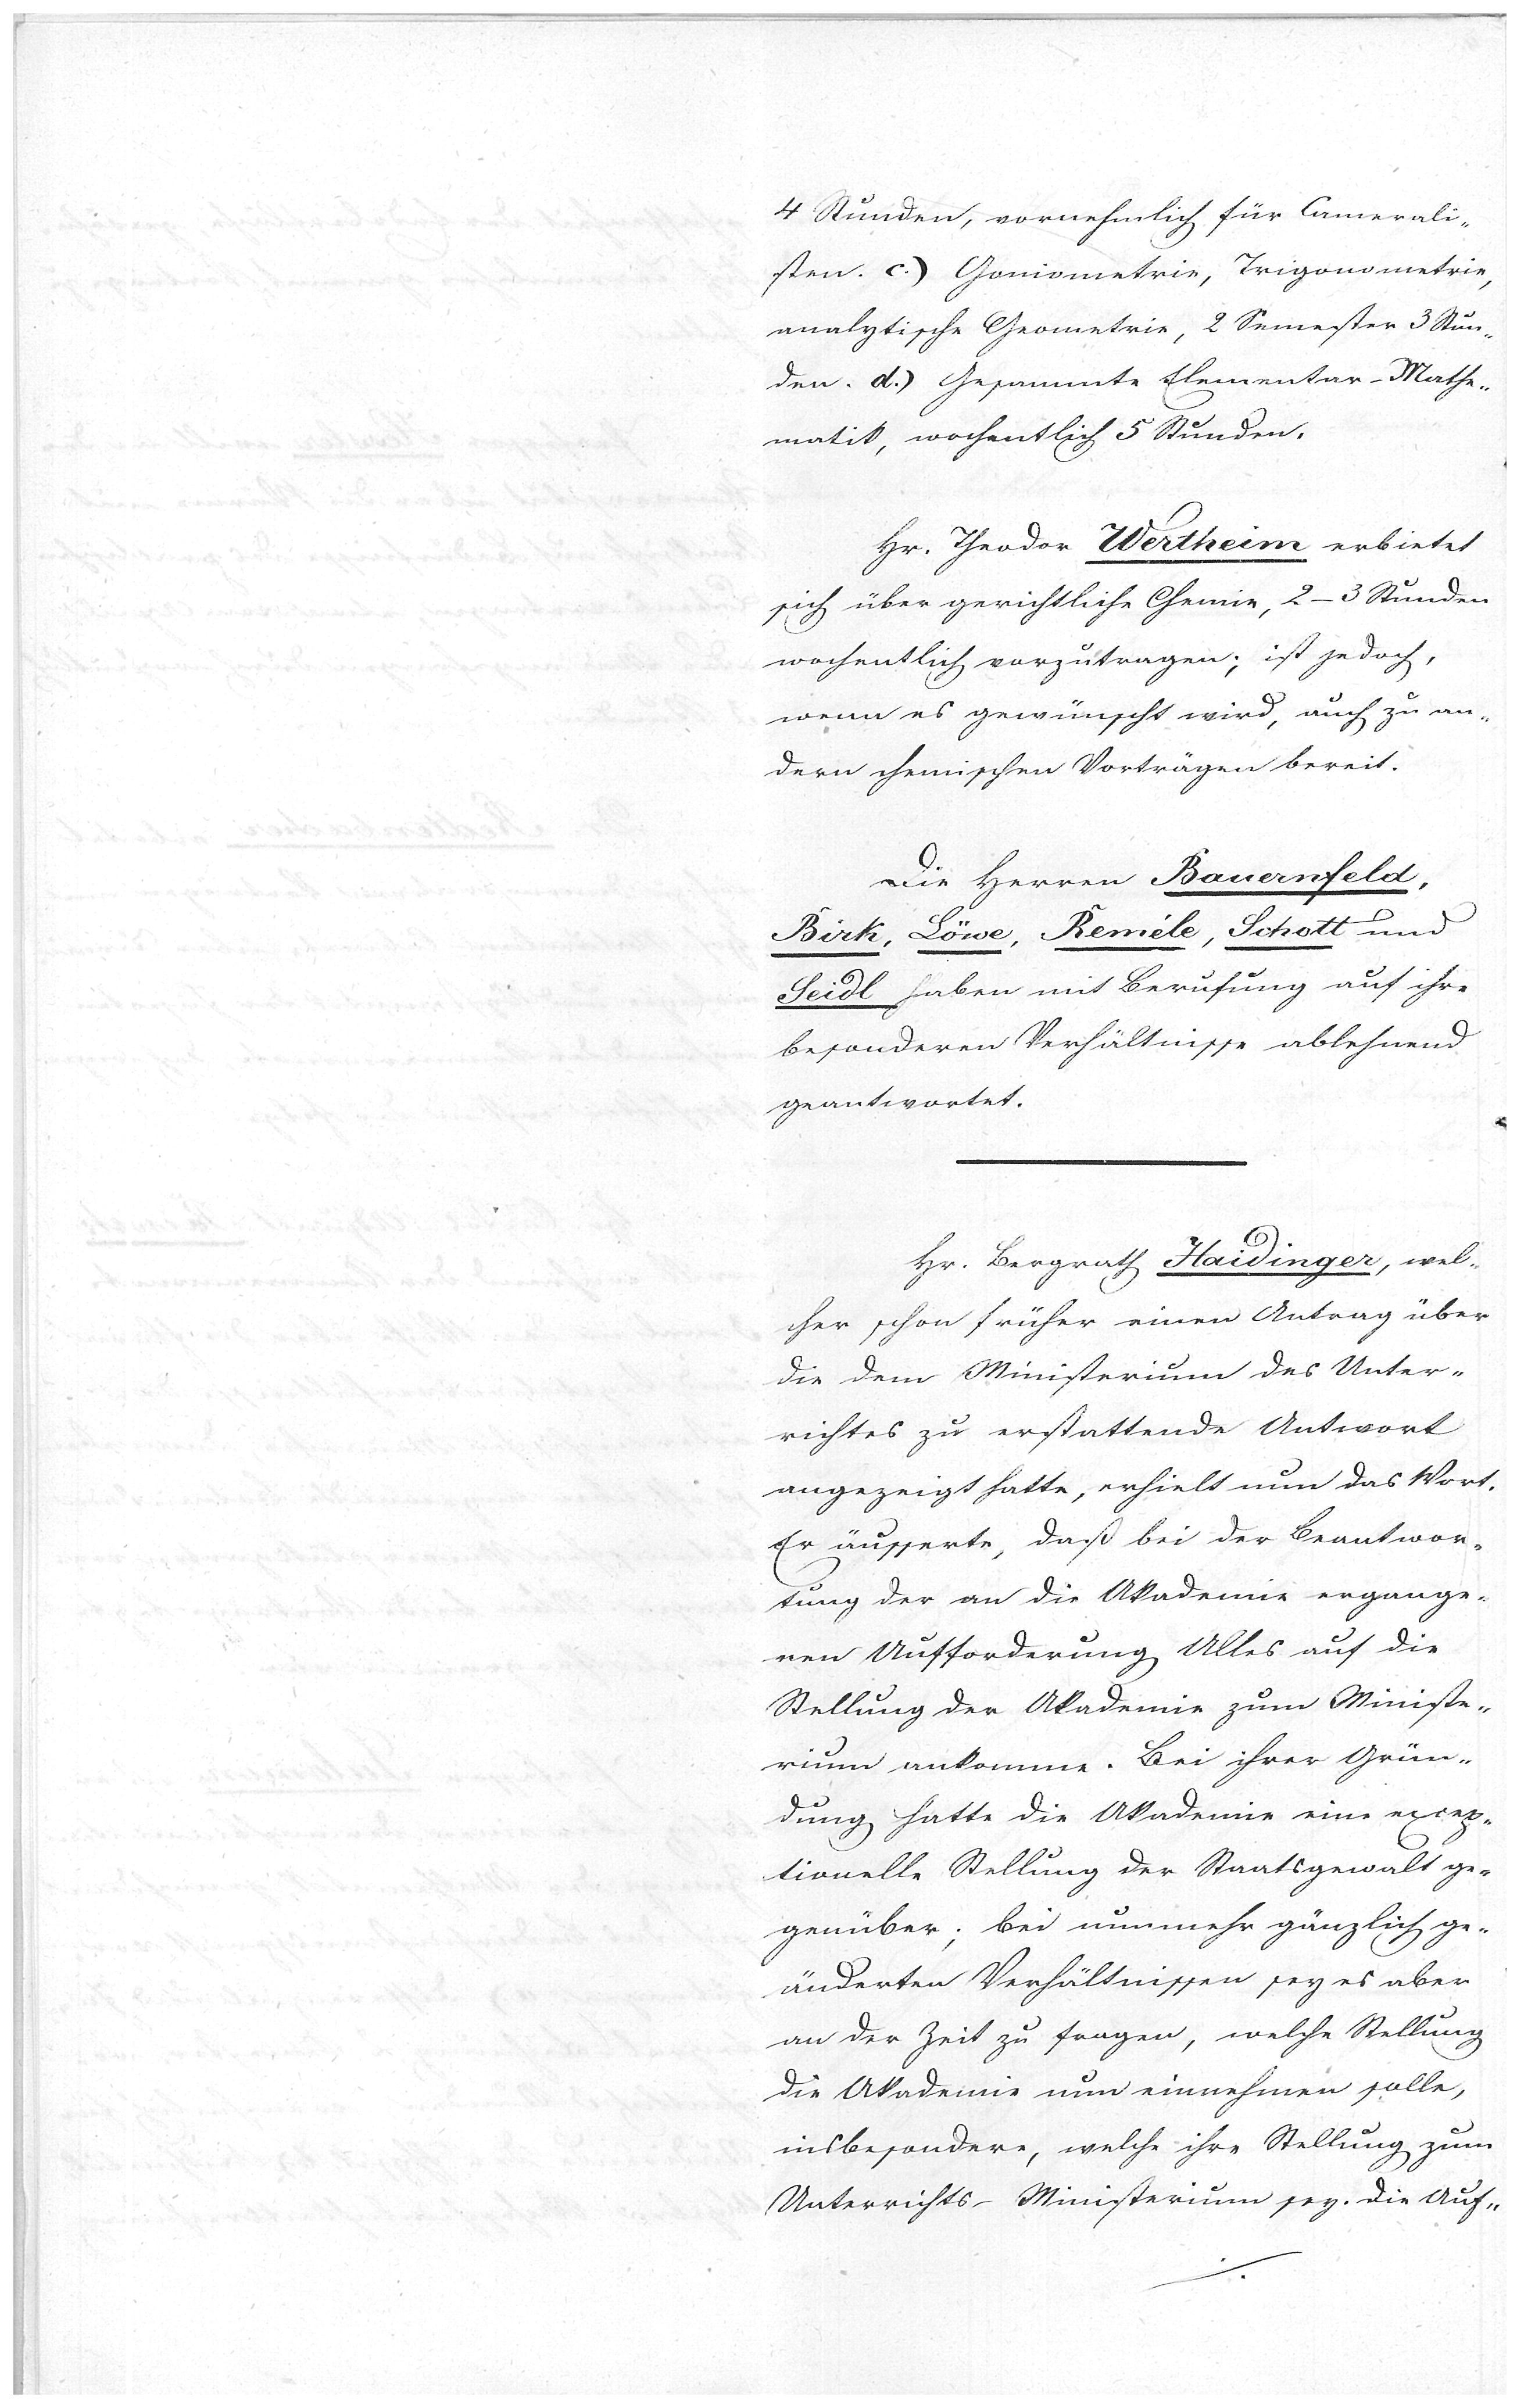4 Stunden, vornehmlich für Camerali-
sten. c) Goniometrie, Trigonometrie,
analytische Geometrie, 2 Semester 3 Stun-
den. d) Gesammte Elementar-Mathe-
matik, wochentlich 5 Stunden.
Hr. Theodor Wertheim erbietet
sich über gerichtliche Chemie, 2-3 Stunden
wochentlich vorzutragen; ist jedoch,
wenn es gewünscht wird, auch zu an-
dern chemischen Vorträgen bereit.
Die Herren Bauernfeld,
Birk, Löwe, Reméle, Schott und
Seidl haben mit Berufung auf ihre-
besonderen Verhältnisse ablehnend
geantwortet.
Hr. Bergrath Haidinger, wel-
cher schon früher einen Antrag über
die dem Ministerium des Unter-
richtes zu erstattende Antwort
angezeigt hatte, erhielt nun das Wort.
Er äusserte, daß bei der Beantwor-
tung der an die Akademie ergange-
nen Aufforderung Alles auf die
Stellung der Akademie zum Ministe-
und ankomme. Bei ihrer Grün-
dung hatte die Akademie eine excep-
tionelle Stellung der Staatsgewalt ge-
genüber; bei nunmehr gänzlich ge-
änderten Verhältnissen sey es aber
an der Zeit zu fragen, welche Stellung
die Akademie nun einnehmen solle,
insbesondere, welche ihrer Stellung zum
Unterrichts-Ministerium sey. Die Auf-